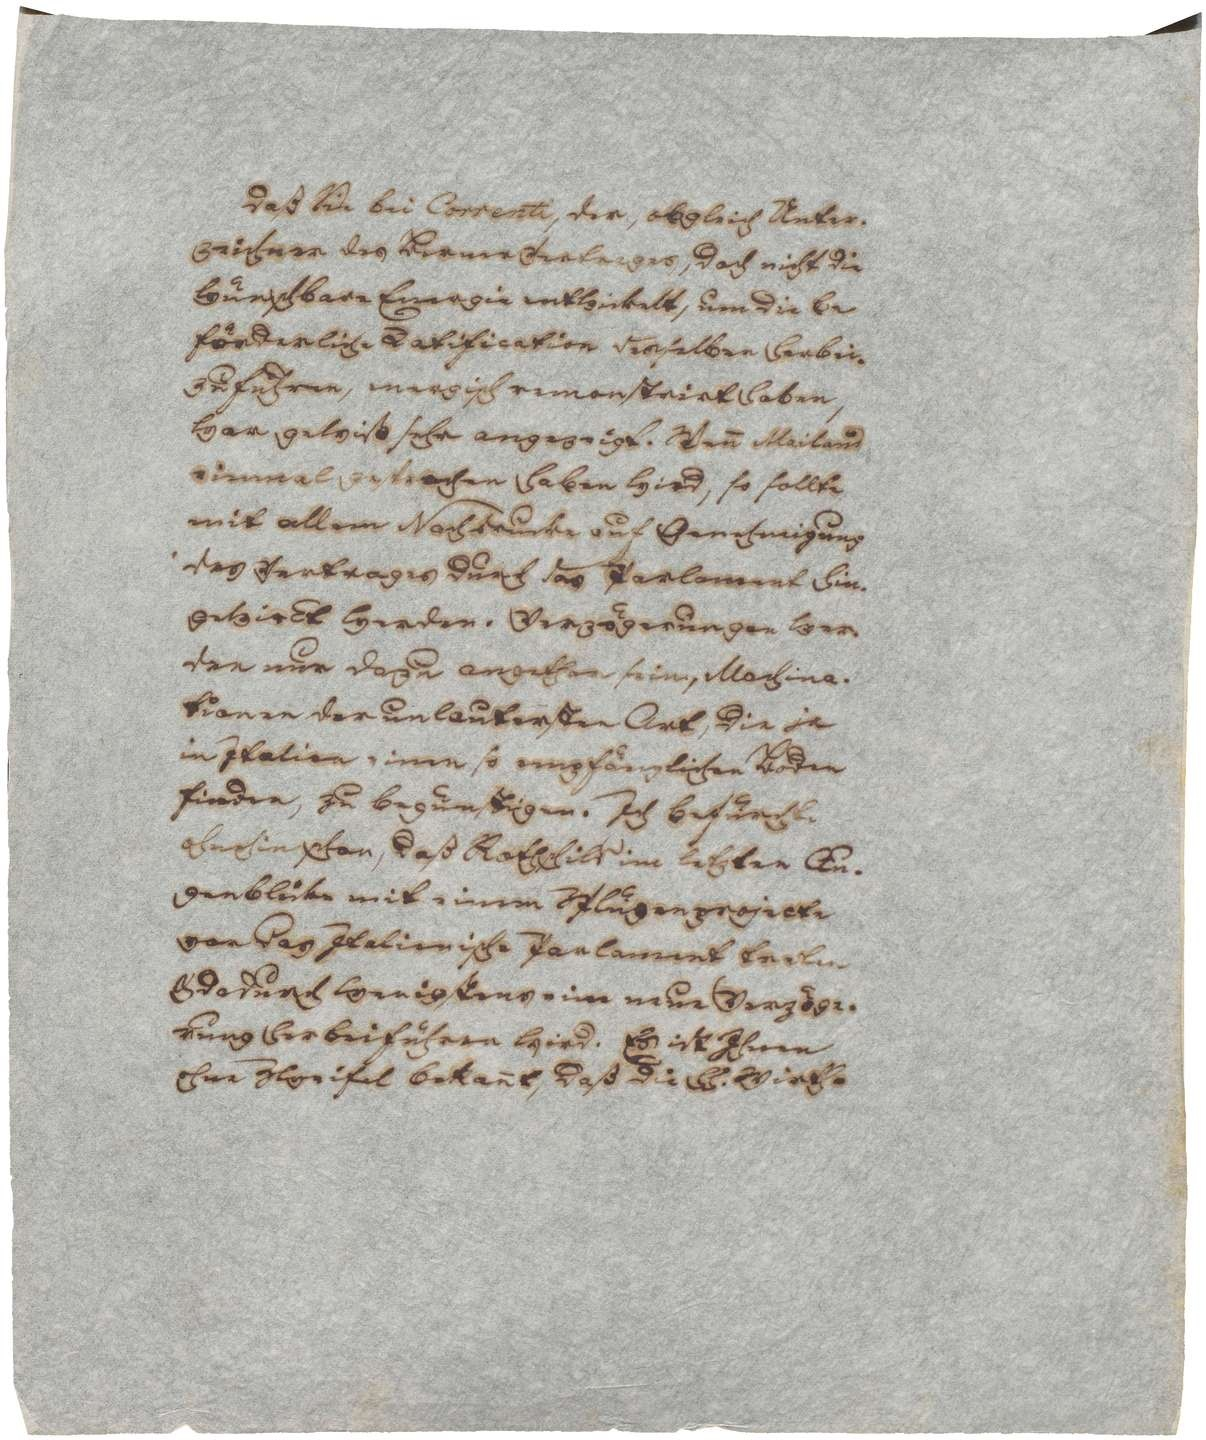Daß sie bei Correnti, der, obgleich Unter-
zeichner des Bernervertrages, doch nicht die
wünschbare Energie entwickelt, um die be-
förderliche Ratification desselben herbei-
zuführen, energisch remonstrirt haben,
war gewiß sehr angezeigt. Wenn Mailand
einmal gesprochen haben wird, so sollte
mit allem Nachdrucke auf Genehmigung
des Vertrages durch das Parlament hin-
gewirkt werden. Verzögerungen wer-
den nur dazu angethan sein, Machina-
tionen der unlautersten Art, die ja
in Italien einen so empfänglichen Boden
finden, zu begünstigen. Ich befürchte
ohnehin schon, daß Rothschild im letzten Au-
genblicke mit einem Splügenprojecte
vor das Italienische Parlament treten
& dadurch wenigstens eine neue Verzöge-
rung herbeiführen wird. Es ist Ihnen
ohne Zweifel bekannt, daß dies HH. Wirth-